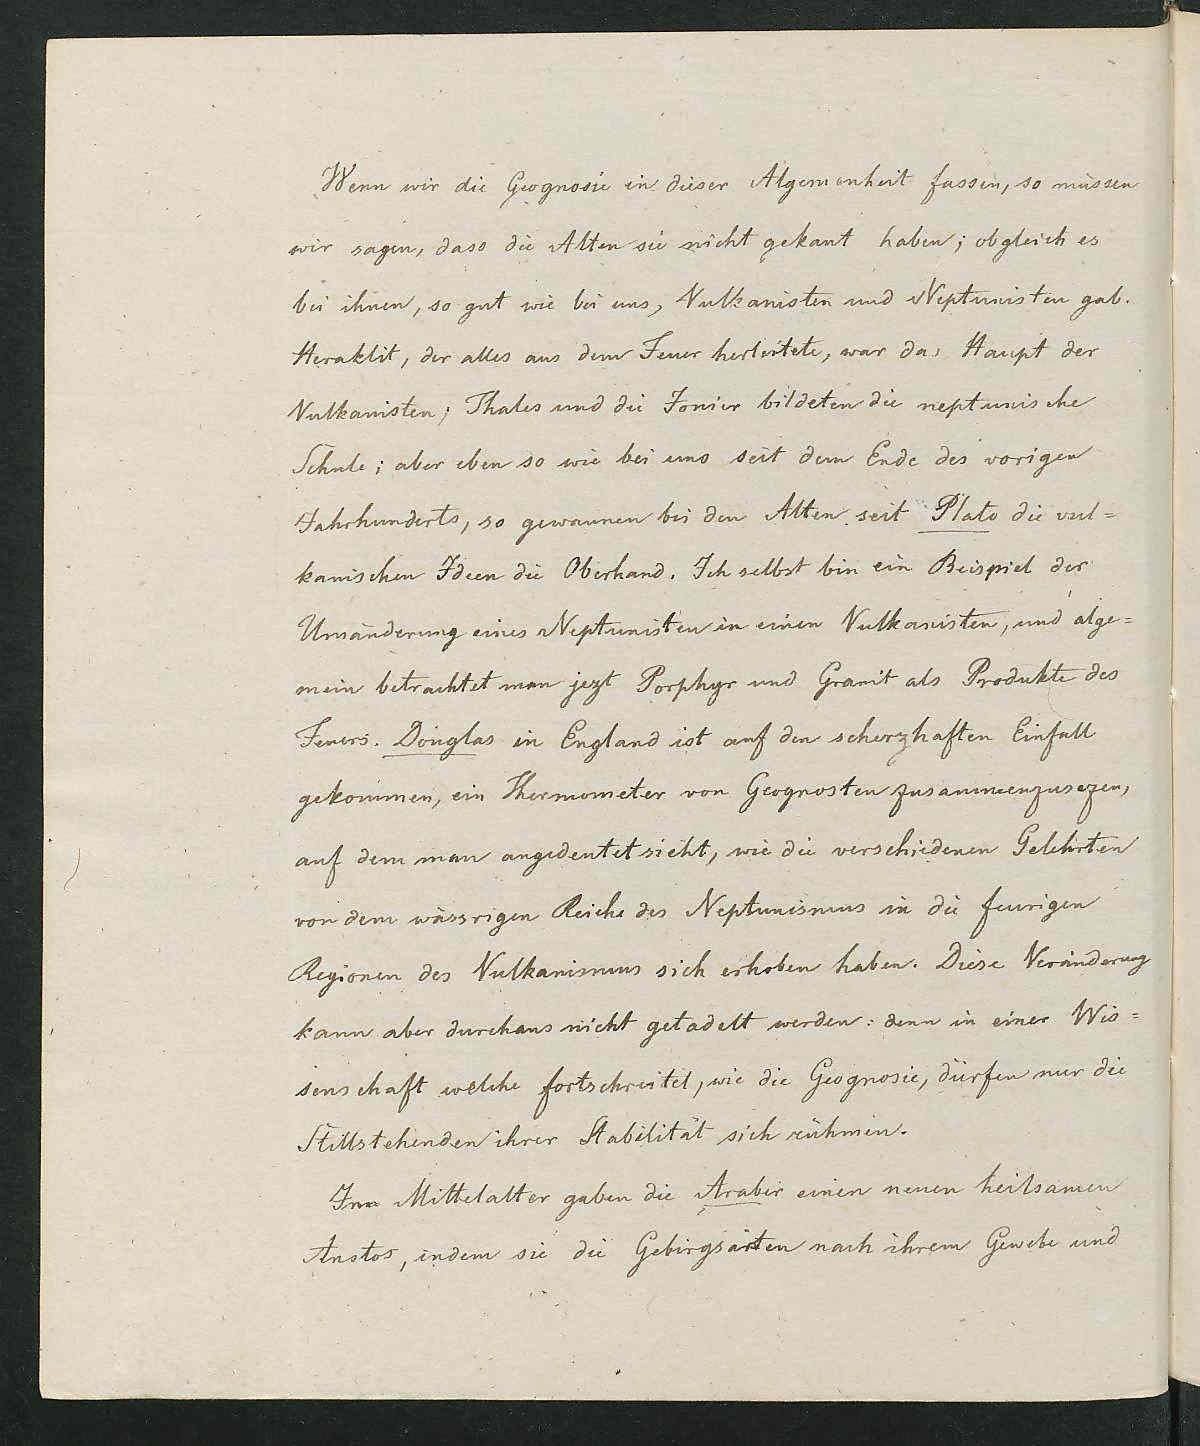Wenn wir die Geognosie in dieser Algemeinheit fassen, so müssen
wir sagen, dass die Alten sie nicht gekant haben; obgleich es
bei ihnen, so gut wie bei uns, Vulkanisten und Neptunisten gab.
Heraklit, der alles aus dem Feuer herleitete, war das Haupt der
Vulkanisten, Thales und die Ionier bildeten die neptunische
Schule; aber eben so wie bei uns seit dem Ende des vorigen
Jahrhunderts, so gewannen bei den Alten seit Plato die vul-
kanischen Ideen die Oberhand. Ich selbst bin ein Beispiel der
Umänderung eines Neptunisten in einen Vulkanisten, und alge-
mein betrachtet man jezt Porphyr und Granit als Produkte des
Feuers. Douglas in England ist auf den scherzhaften Einfall
gekommen, ein Thermometer von Geognosten zusammenzusezen,
auf dem man angedeutet sieht, wie die verschiedenen Gelehrten
von dem wässrigen Reiche des Neptunismus in die feurigen
Regionen des Vulkanismus sich erhoben haben. Diese Veränderung
kann aber durchaus nicht getadelt werden: denn in einer Wis-
senschaft welche fortschreitet, wie die Geognosie, dürfen nur die
Stillstehenden ihrer Stabilität sich rühmen.
Im Mittelalter gaben die Araber einen neuen heilsamen
Anstos, indem sie die Gebirgsarten nach ihrem Gewebe und